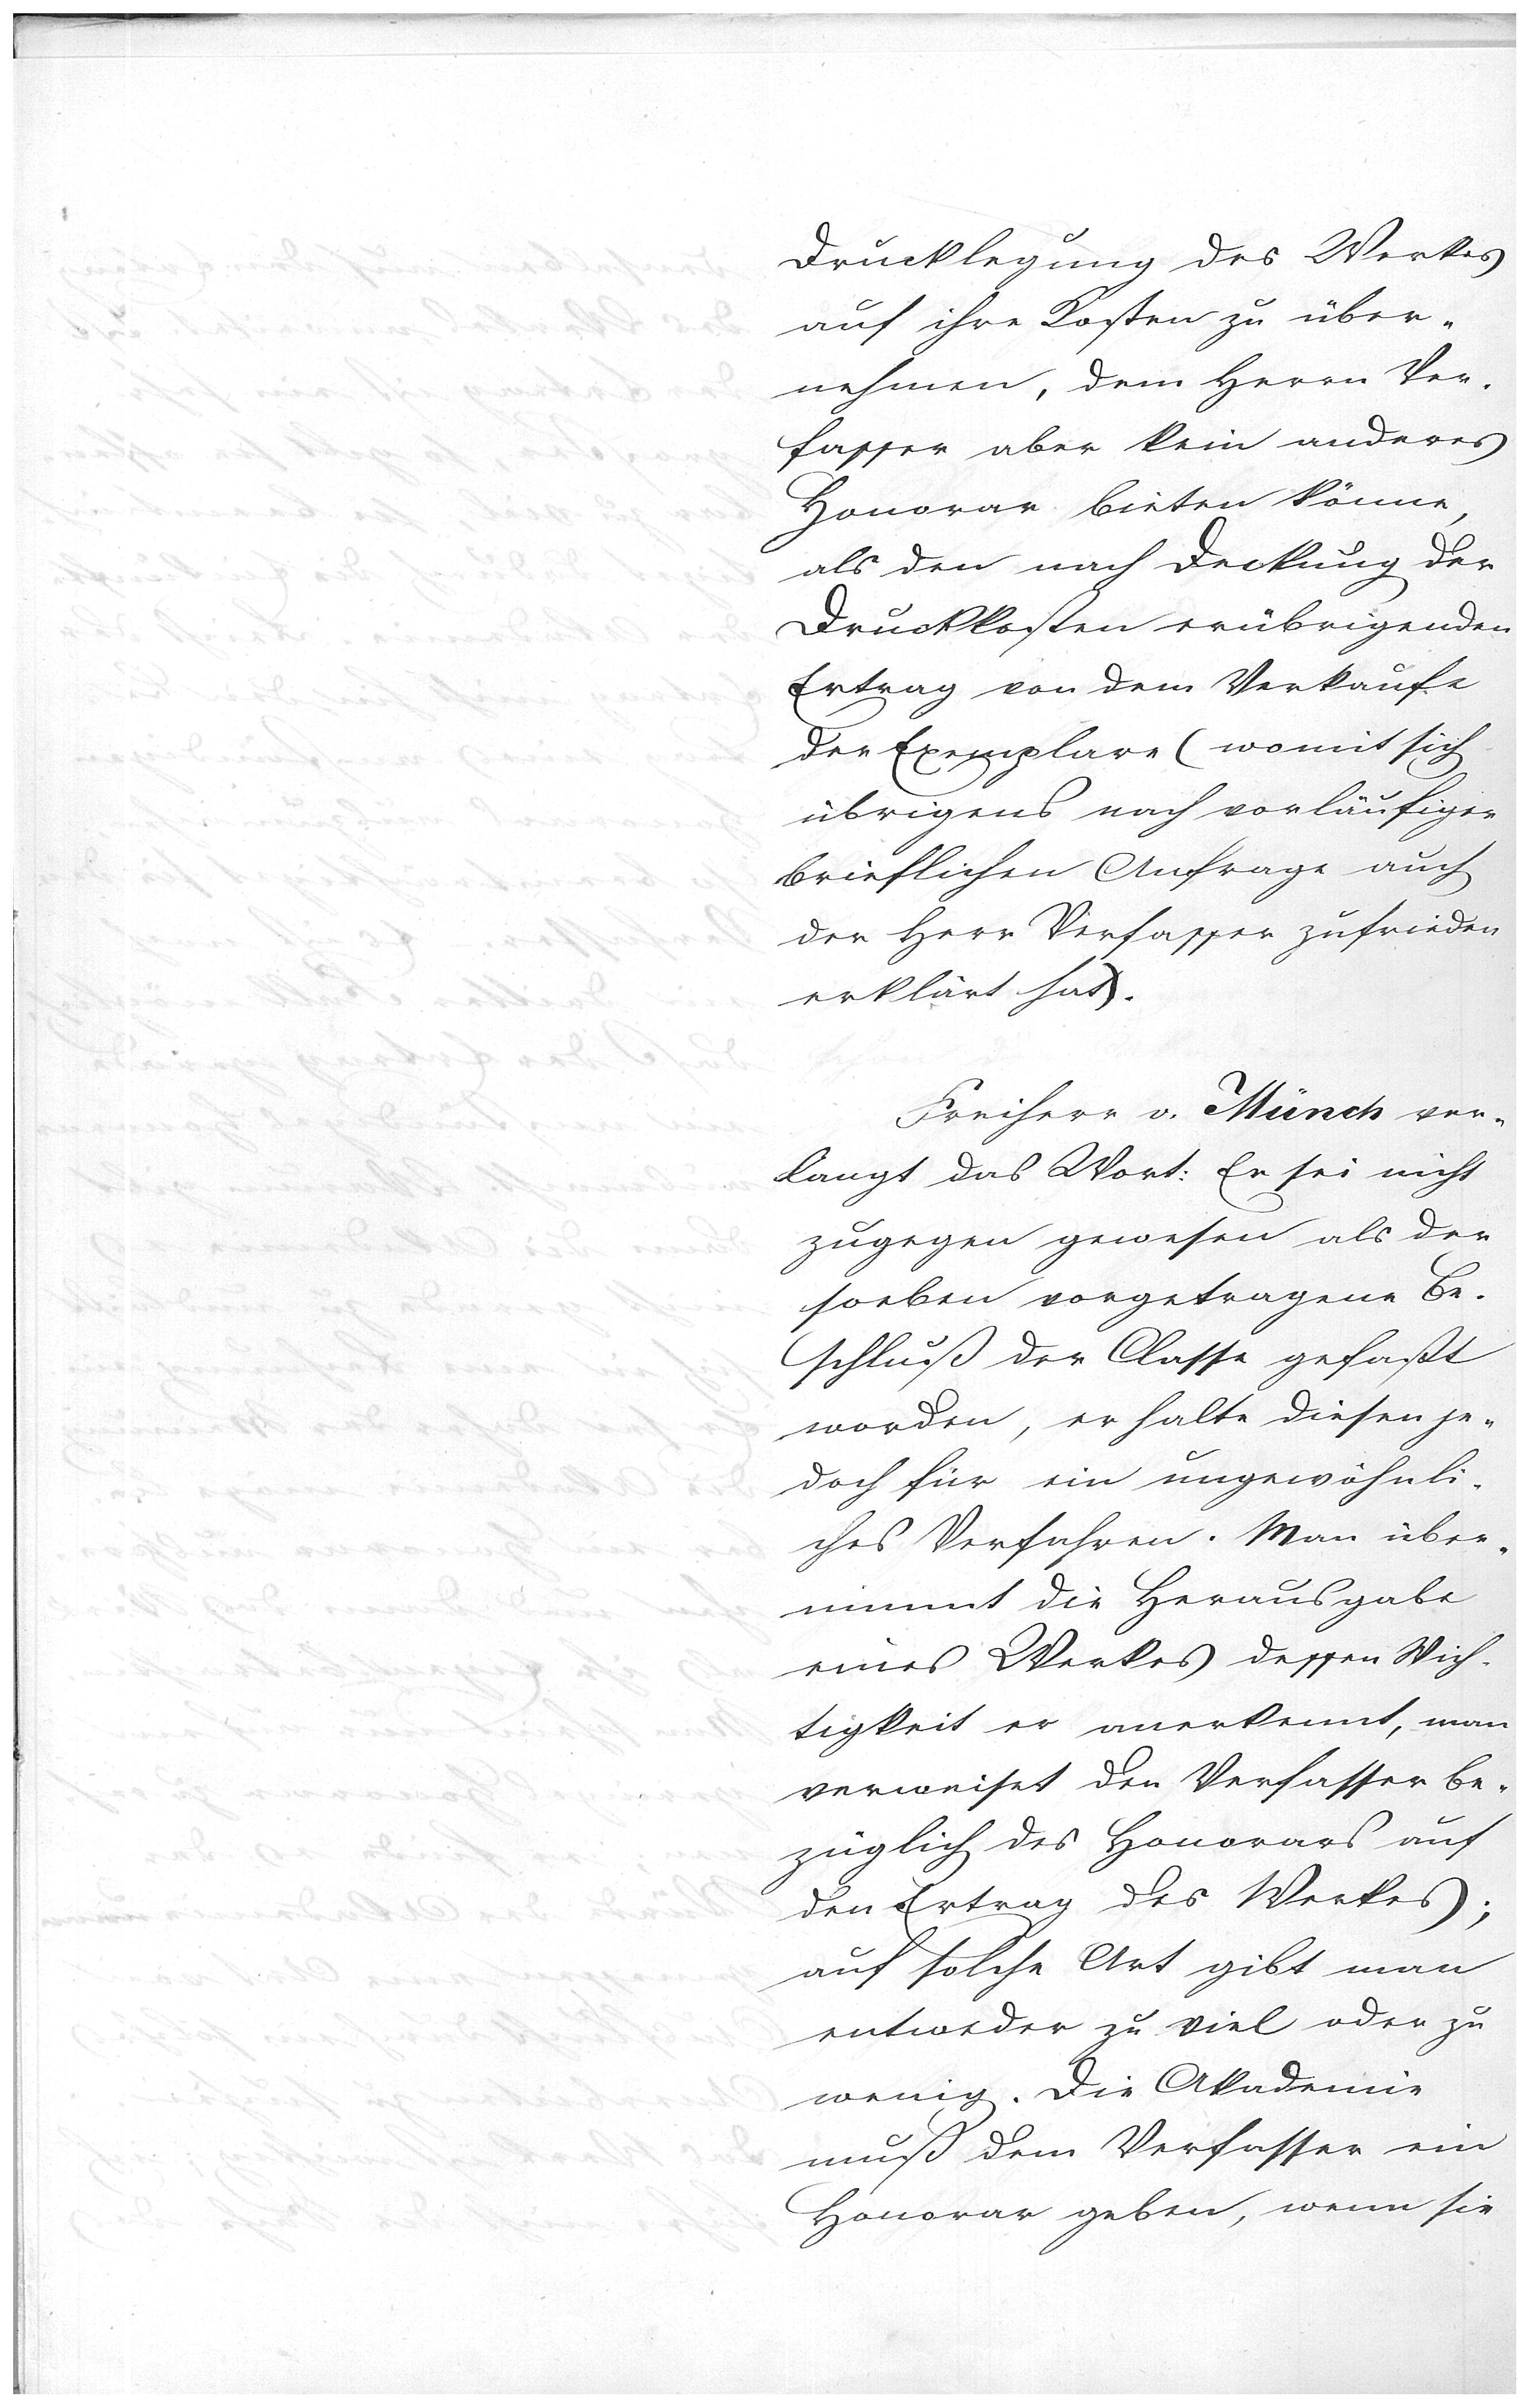Drucklegung des Werkes
auf ihre Kosten zu über-
nehmen, dem Herren Ver-
fasser aber kein anderes
Honorar bieten könne,
als den nach Deckung der
Druckkosten erübrigenden
Ertrag von dem Verkaufe
der Exemplare (womit sich
übrigens nach vorläufiger
brieflichen Anfrage auch
der Herr Verfasser zufrieden
erklärt hat).
Freiherr v. Münch ver-
langt das Wort: Er sei nicht
zugegen gewesen als der
soeben vorgetragene Be-
schluß der Classe gefaßt
worden, er halte diesen je-
doch für ein ungewöhnli-
ches Verfahren. Man über-
nimmt die Herausgabe
eines Werkes dessen Wich-
tigkeit er anerkennt, man
verweiset den Verfasser be-
züglich des Honorars auf
den Ertrag des Werkes;
auf solche Art gibt man
entweder zu viel oder zu
wenig. Die Akademie
muß dem Verfasser ein
Honorar geben, wenn sie